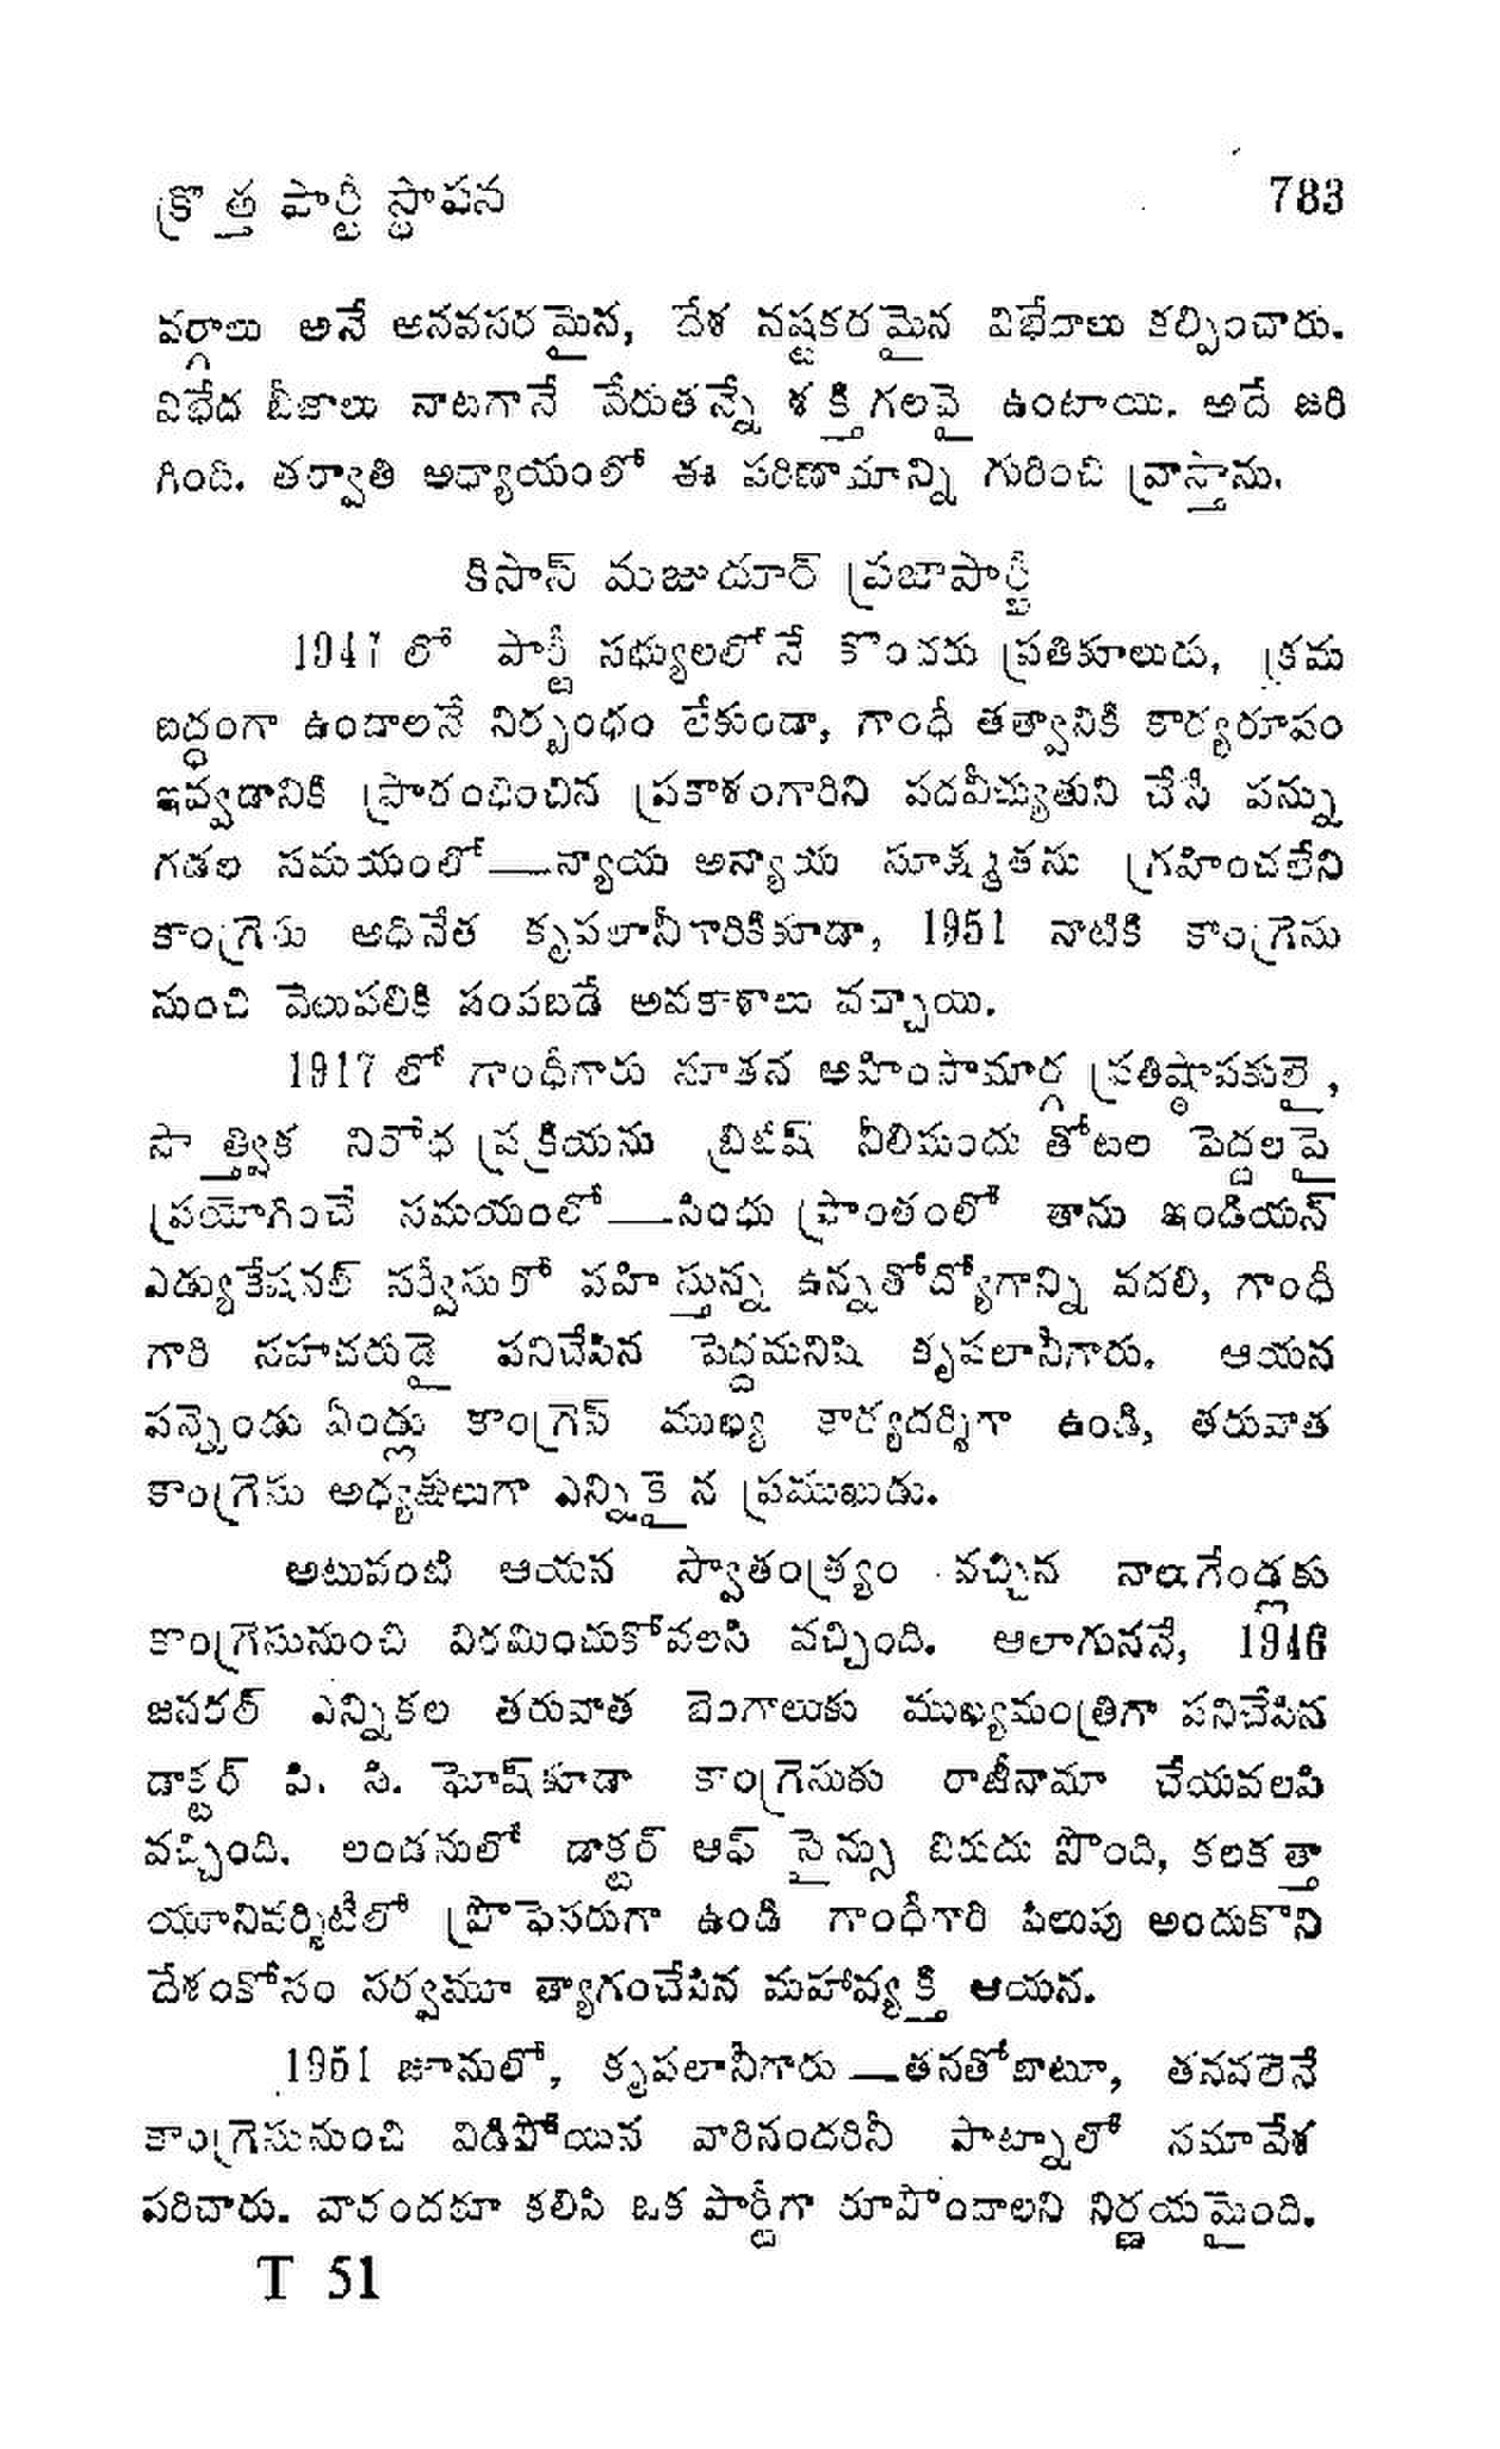వర్గాలు అనే అనవసరమైన, దేశ నష్టకరమైన విభేదాలు కల్పించారు. విభేద బీజాలు నాటగానే వేరుతన్నే శక్తిగలవై ఉంటాయి. అదే జరిగింది. తర్వాతి అధ్యాయంలో ఈ పరిణామాన్ని గురించి వ్రాస్తాను.

1947 లో పార్టీ సభ్యులలోనే కొందరు ప్రతికూలురు, క్రమబద్ధంగా ఉండాలనే నిర్భంధం లేకుండా, గాంధీ తత్వానికి కార్యరూపం ఇవ్వడానికి ప్రారంభించిన ప్రకాశంగారిని పదవీచ్యుతిని చేసే పన్నుగడల సమయంలో - న్యాయ అన్యాయ సూక్ష్మతను గ్రహించలేని కాంగ్రెసు అధినేత కృపలానీగారికికూడా, 1951 నాటికి కాంగ్రెసు నుంచి వెలుపలికి పంపబడే అవకాశాలు వచ్చాయి.

1917 లో గాంధీగారు నూతన అహింసామార్గ ప్రతిష్ఠాపకులై, సాత్త్విక నిరోధ ప్రక్రియను బ్రిటిష్ నీలిమందు తోటల పెద్దలపై ప్రయోగించే సమయంలో - సింధు ప్రాంతంలో తాను ఇండియన్ ఎడ్యుకేషనల్ సర్వీసులో వహిస్తున్న ఉన్నతోద్యోగాన్ని వదలి, గాంధీగారి సహచరుడై పనిచేసిన పెద్దమనిషి కృపలానీగారు. ఆయన పన్నెండు ఏండ్లు కాంగ్రెస్ ముఖ్య కార్యదర్శిగా ఉండి, తరువాత కాంగ్రెసు అధ్యక్షులుగా ఎన్నికైన ప్రముఖుడు.

అటువంటి ఆయన స్వాతంత్ర్యం వచ్చిన నాలుగేండ్లకు కాంగ్రెసునుంచి విరమించుకోవలసి వచ్చింది. అలాగుననే, 1946 జనరల్ ఎన్నికల తరువాత బెంగాలుకు ముఖ్యమంత్రిగా పనిచేసిన డాక్టర్ పి.సి. ఘోష్‌కూడా కాంగ్రెసుకు రాజీనామా చేయవలసి వచ్చింది. లండనులో డాక్టర్ ఆఫ్ సైన్సు బిరుదు పొంది, కలకత్తా యూనివర్శిటిలో ప్రొఫెసరుగా ఉండి గాంధీగారి పిలుపు అందుకొని దేశంకోసం సర్వమూ త్యాగంచేసిన మహావ్యక్తి ఆయన.

1951 జూనులో, కృపలానీగారు - తనతోబాటూ, తనవలెనే కాంగ్రెసునుంచి విడిపోయిన వారినందరినీ పాట్నాలో సమావేశపరిచారు. వారందరూ కలిసి ఒక పార్టీగా రూపొందాలని నిర్ణయమైంది.